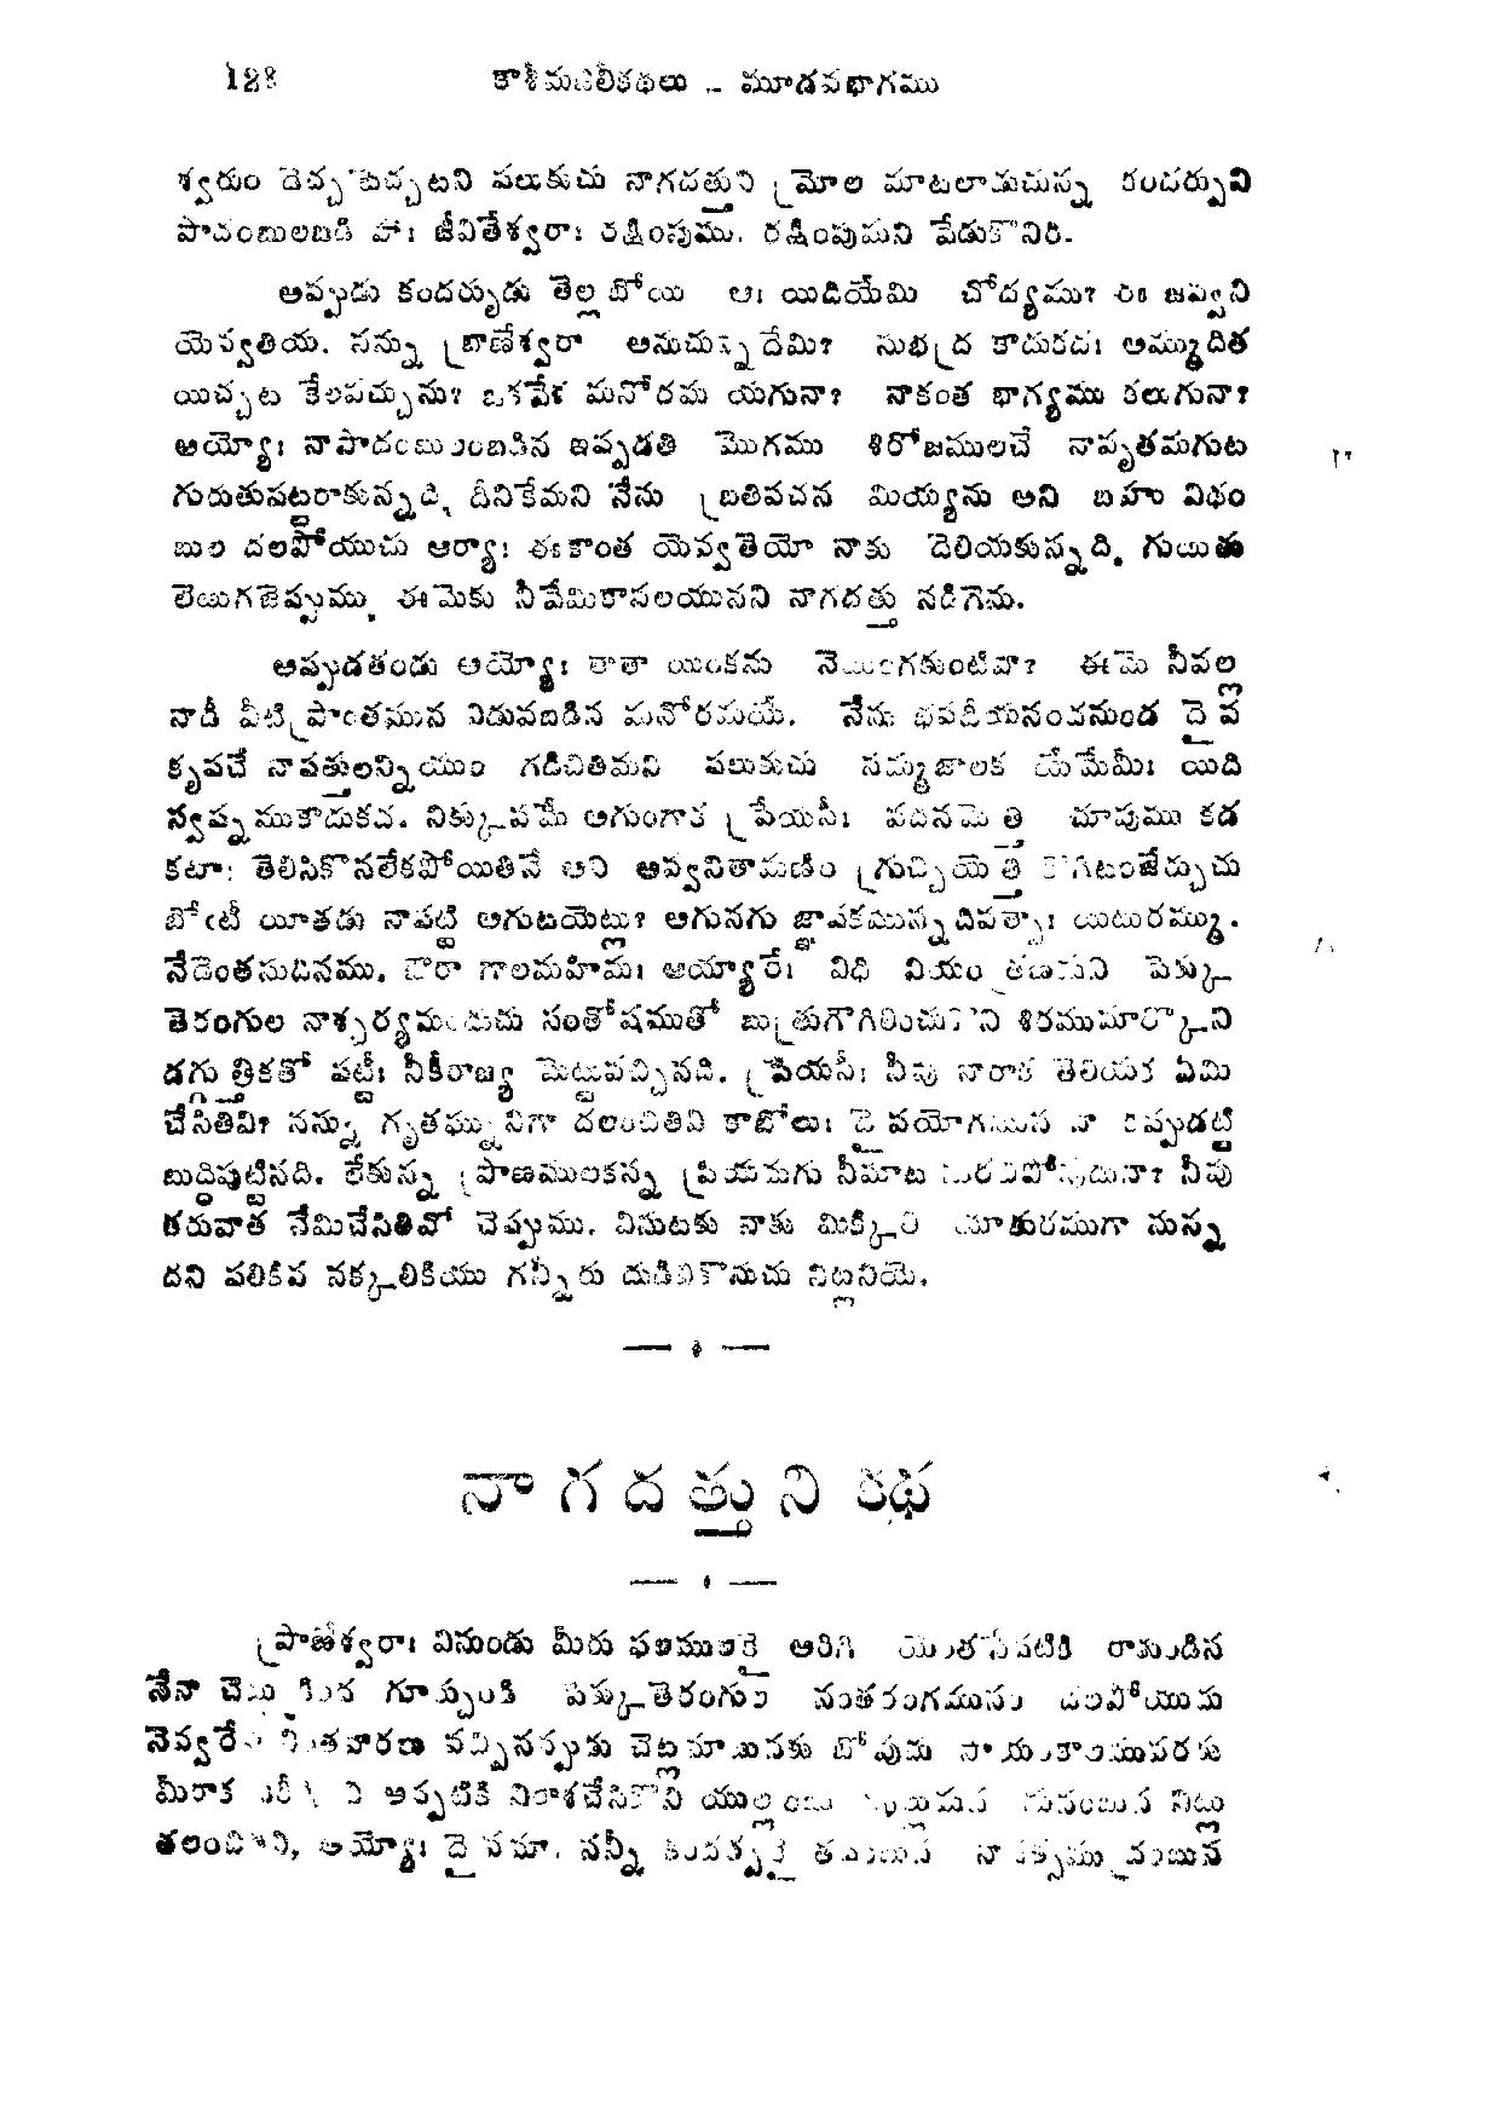శ్వరుం డెచ్చ టెచ్చటని పలుకుచు నాగదత్తుని మ్రోల మాటలాడుచున్న కందర్పుని పాదంబులబడి హా! జీవితేశ్వరా? రక్షింపుము. రక్షింపుమని వేడుకొనిరి.

అప్పుడు కందర్పుడు తెల్లబోయి ఆ! యిది యేమి చోద్యము ? ఈ జవ్వని యెవ్వతియ. నన్ను బ్రాణేశ్వరా అనుచున్నదేమి? సుభద్ర కాదుకదు? అమ్ముదిత యిచ్చట కేలవచ్చును? ఒకవేళ మనోరమ యగునా?
నాకంత భాగ్యము కలుగునా? అయ్యో! నాపాదంబులంబడిన ఇప్పడతి మొగము శిరోజములచే నావృతమగుట గురుతుపట్టరాకున్నది. దీనికేమని నేను బ్రతివచన మియ్యను అని బహువిధంబుల దలపోయుచు ఆర్యా! ఈకాంత యెవ్వతెయో నాకు దెలియకున్నది. గుఱుతు లెఱుగజెప్పుము. ఈ మెకు నీ వేమికావలయునని నాగదత్తు నడిగెను.

అప్పుడతండు అయ్యో! తాతా యింకను నెఱుంగకుంటివా ? ఈమె నీవల్ల నాడీ వీటిప్రాంతమున విడువబడిన మనోరమయే. నేను భవదీయనందనుండ దైవకృపచే నాపత్తులన్నియుం గడిచితిమని పలుకుచు నమ్మజాలక యేమేమీ! యిది స్వప్నముకాదుకద. నిక్కువమే అగుంగాక ప్రేయసీ! వదనమెత్తి చూపుము కడ కటా! తెలిసికొనలేకపోయితినే అని అవ్వనితామణిం గ్రుచ్చియెత్తి కౌగిటంజేర్చుచు బోఁటీ యీతడు నాపట్టి అగుటయెట్లు? అగునగు జ్ఞాపకమున్నది వత్సా! యిటురమ్ము. నేడెంతసుదినము. ఔరా గాలమహిమ! అయ్యారే! విధి నియంత్రమని పెక్కు తెరంగుల నాశ్చర్యమందుచు సంతోషముతో బుత్రుగౌగిలించుకొని శిరముమార్కొని డగ్గుత్తికతో పట్టీ! నీకీరాజ్య మెట్టువచ్చినది. ప్రేయసీ! నీవు నారాక తెలియక ఏమి చేసితివి? నన్ను గృతఘ్నునిగా దలంచితివి కాబోలు? దైవయోగమున నా కప్పుడట్టి బుద్ధిపుట్టినది. లేకున్న ప్రాణములకన్న ప్రియమగు నీమాట మరచిపోవుదునా? నీవు తరువాత నేమిచేసితివో చెప్పుము. వినుటకు నాకు మిక్కిలి యాతురముగా నున్నదని పలికిన నక్కలికియు గన్నీరు దుడుచికొనుచు నిట్లనియె.

నాగదత్తుని కథ

ప్రాణేశ్వరా! వినుండు మీరు ఫలములకై అరిగి యెంతసేపటికి రాకుండిన నేనా చెట్టుక్రింద గూర్చుండి పెక్కుతెరంగుల నంతరంగమునం దలపోయుచు నెవ్వరేని నింతవారలు వచ్చినప్పుడు చెట్లమాటునకు బోవుచు సాయంకాలమువరకు మీరాక బరీక్షించి అప్పటికి నిరాశచేసికొని యుల్లంబు ఝల్లుమన మనంబున నిట్లు తలంచితిని. అయ్యో! దైవమా నన్నీ కందర్పకైతవంబున నాపత్సముద్రంబున